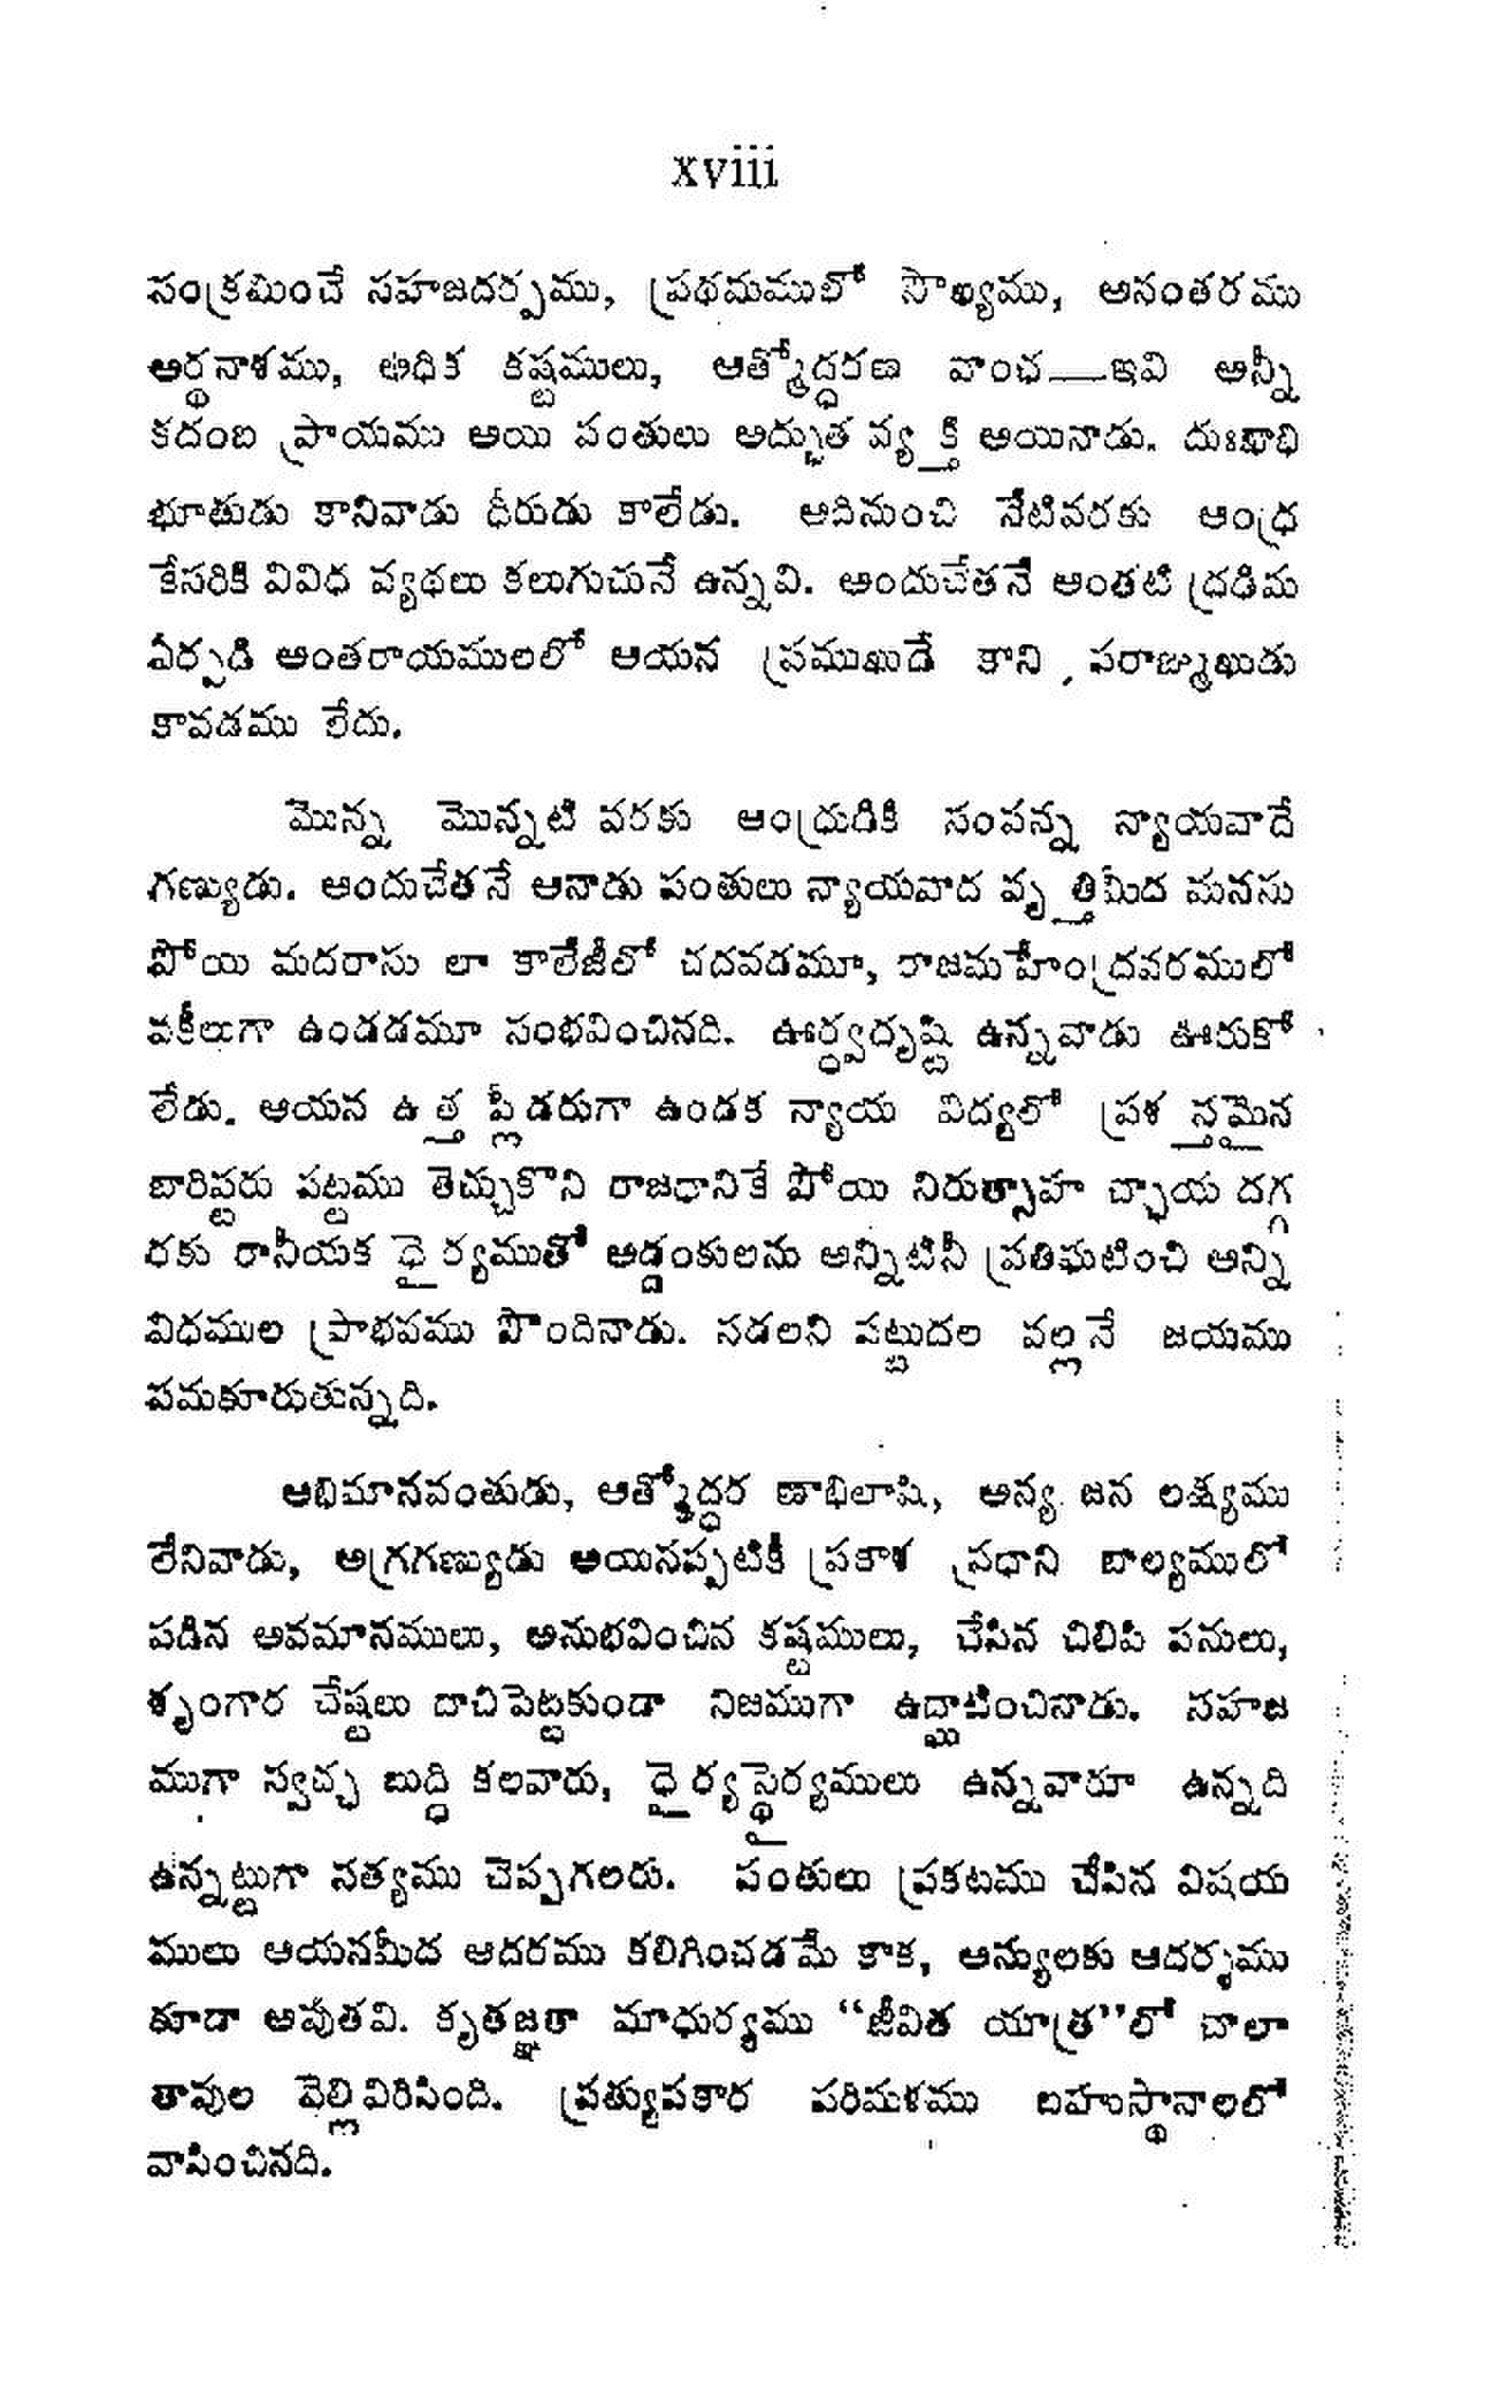సంక్రమించే సహజదర్పము, ప్రథమములో సౌఖ్యము, అనంతరము అర్థనాశము, అధిక కష్టములు, ఆత్మోద్ధరణ వాంఛ - ఇవి అన్నీ కదంబ ప్రాయము అయి పంతులు అద్భుత వ్యక్తి అయినాడు. దు:ఖాభి భూతుడు కానివాడు ధీరుడు కాలేడు. ఆదినుంచి నేటివరకు ఆంధ్ర కేసరికి వివిధ వ్యథలు కలుగుచునే ఉన్నవి. అందుచేతనే అంతటి ద్రఢిమ ఏర్పడి అంతరాయములలో ఆయన ప్రముఖుడే కాని, పరాఙ్ముఖుడు కావడము లేదు.

మొన్న మొన్నటి వరకు ఆంధ్రుడికి సంపన్న న్యాయవాదే గణ్యుడు. అందుచేతనే ఆనాడు పంతులు న్యాయవాద వృత్తిమీద మనసుపోయి మదరాసు లా కాలేజీలో చదవడమూ, రాజమహేంద్రవరములో వకీలుగా ఉండడమూ సంభవించినది. ఊర్ద్వదృష్టి ఉన్నవాడు ఊరుకో లేడు. ఆయన ఉత్త ప్లీడరుగా ఉండక న్యాయ విద్యలో ప్రశస్తమైన బారిష్టరు పట్టము తెచ్చుకొని రాజధానికే పోయి నిరుత్సాహ చ్ఛాయ దగ్గరకు రానీయక ధైర్యముతో అడ్డంకులను అన్నిటినీ ప్రతిఘటించి అన్ని విధముల ప్రాభవము పొందినాడు. సడలని పట్టుదల వల్లనే జయము సమకూరుతున్నది.

అభిమానవంతుడు, ఆత్మోద్ధర ణాభిలాషి, అన్య జన లక్ష్యము లేనివాడు. అగ్రగణ్యుడు అయినప్పటికీ ప్రకాశ ప్రధాని బాల్యములో పడిన అవమానములు, అనుభవించిన కష్టములు, చేసిన చిలిపి పనులు, శృంగార చేష్టలు దాచిపెట్టకుండా నిజముగా ఉద్ఘాటించి నాడు. సహజముగా స్వచ్ఛ బుద్ధి కలవారు, ధైర్యస్థైర్యములు ఉన్నవారూ ఉన్నది ఉన్నట్టుగా సత్యము చెప్పగలరు. పంతులు ప్రకటము చేసిన విషయములు ఆయనమీద ఆదరము కలిగించడమే కాక, అన్యులకు ఆదర్శము కూడా అవుతవి. కృతజ్ఞతా మాధుర్యము "జీవిత యాత్ర"లో చాలా తావుల వెల్లివిరిసింది. ప్రత్యుపకార పరిమళము బహుస్థానాలలో వాసించినది.